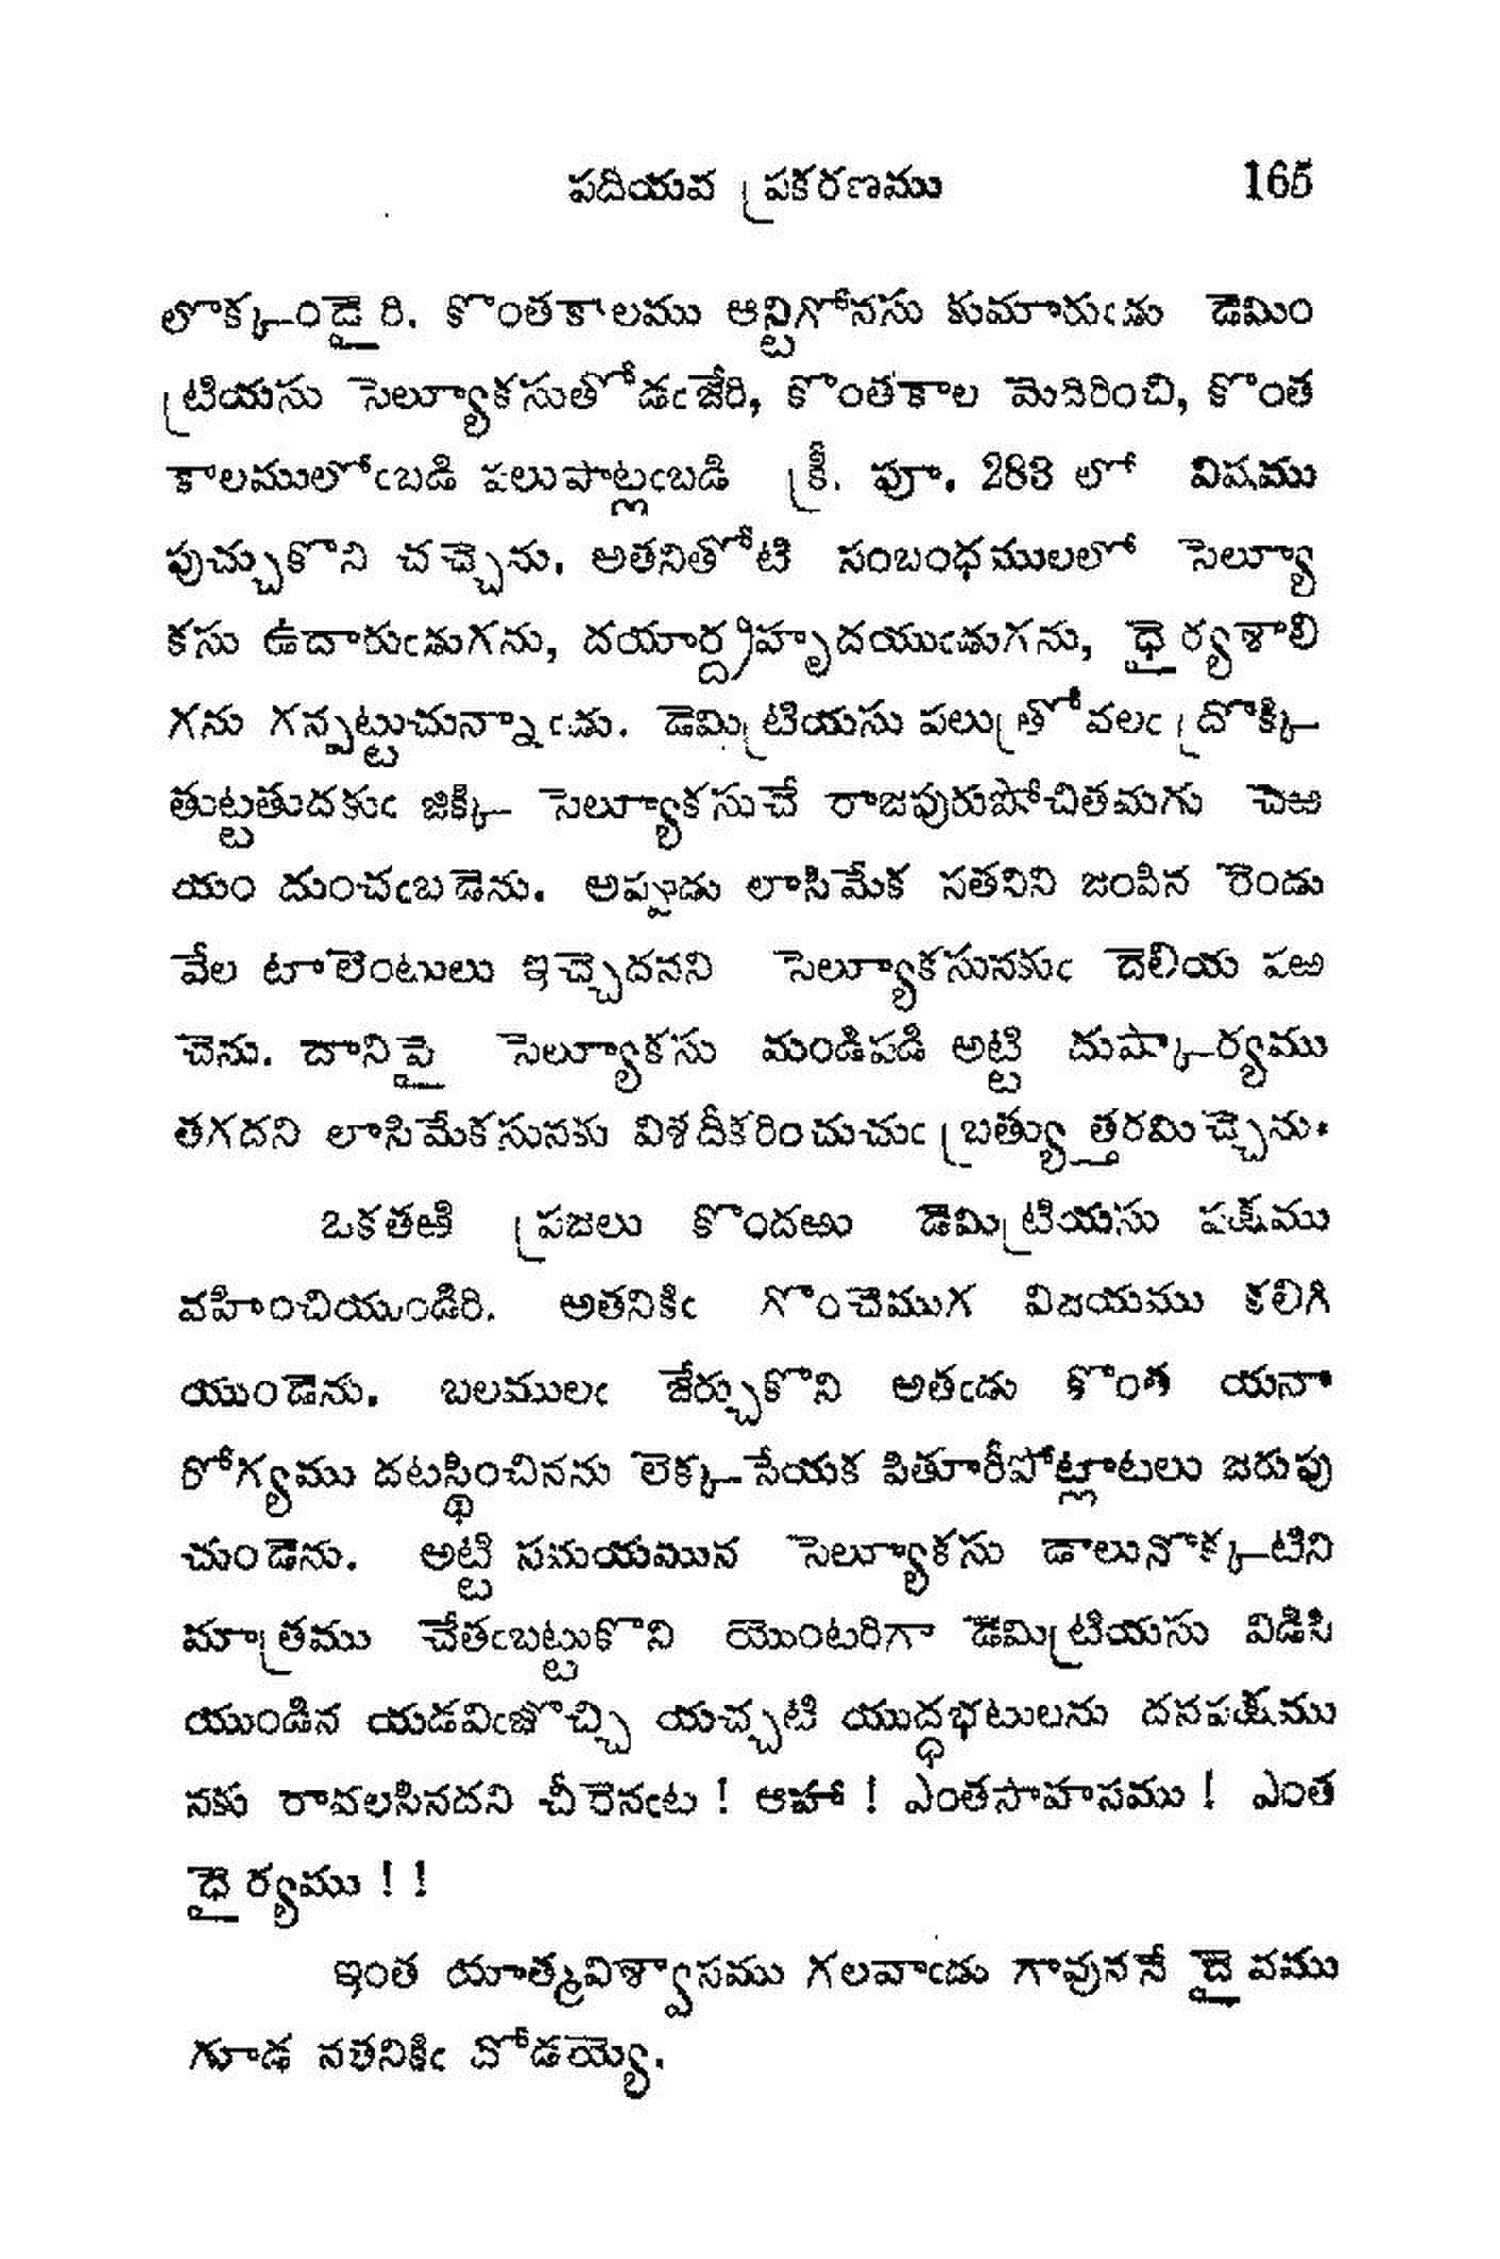లొక్కండై రి. కొంతకాలము ఆన్టిగోనసు కుమారుఁడు డెమింట్రియసు సెల్యూకసుతోడఁజేరి, కొంతకాల మెదిరించి, కొంత కాలములోఁబడి పలుపాట్లఁబడి క్రీ. పూ. 283 లో విషము పుచ్చుకొని చచ్చెను. అతనితోటి సంబంధములలో సెల్యూకసు ఉదారుఁడుగను, దయార్ద్రహృదయుఁడుగను, ధైర్యశాలిగను గన్పట్టుచున్నాఁడు. డెమిట్రియసు పలుత్రోవలఁ ద్రొక్కి తుట్టతుదకుఁ జిక్కి. సెల్యూకసుచే రాజపురుపోచితమగు చెఱయం దుంచఁబడెను. అప్పుడు లాసిమేక నతనిని జంపిన రెండు వేల టాలెంటులు ఇచ్చెదనని సెల్యూకసునకుఁ దెలియ పఱచెను. దానిపై సెల్యూకసు మండిపడి అట్టి దుష్కార్యము తగదని లాసిమేకసునకు విశదీకరించుచుఁ బ్రత్యుత్తరమిచ్చెను.

ఒకతఱి ప్రజలు కొందఱు డెమిట్రియసు పక్షము వహించియుండిరి. అతనికిఁ గొంచెముగ విజయము కలిగి
యుండెను. బలములఁ జేర్చుకొని అతఁడు కొంత యనారోగ్యము దటస్థించినను లెక్క. సేయక పితూరీపోట్లాటలు జరుపు చుండెను. అట్టి సమయమున సెల్యూకసు డాలునొక్కటిని మాత్రము చేతఁబట్టుకొని యొంటరిగా డెమిట్రియసు విడిసి యుండిన యడవిఁజొచ్చి యచ్చటి యుద్ధభటులను దనపక్షమునకు రావలసినదని చీ రెనఁట! ఆహా! ఎంతసాహసము! ఎంత ధైర్యము ! !

ఇంత యాత్మవిశ్వాసము గలవాఁడు గావుననే దైవము గూడ నతనికిఁ దోడయ్యె.